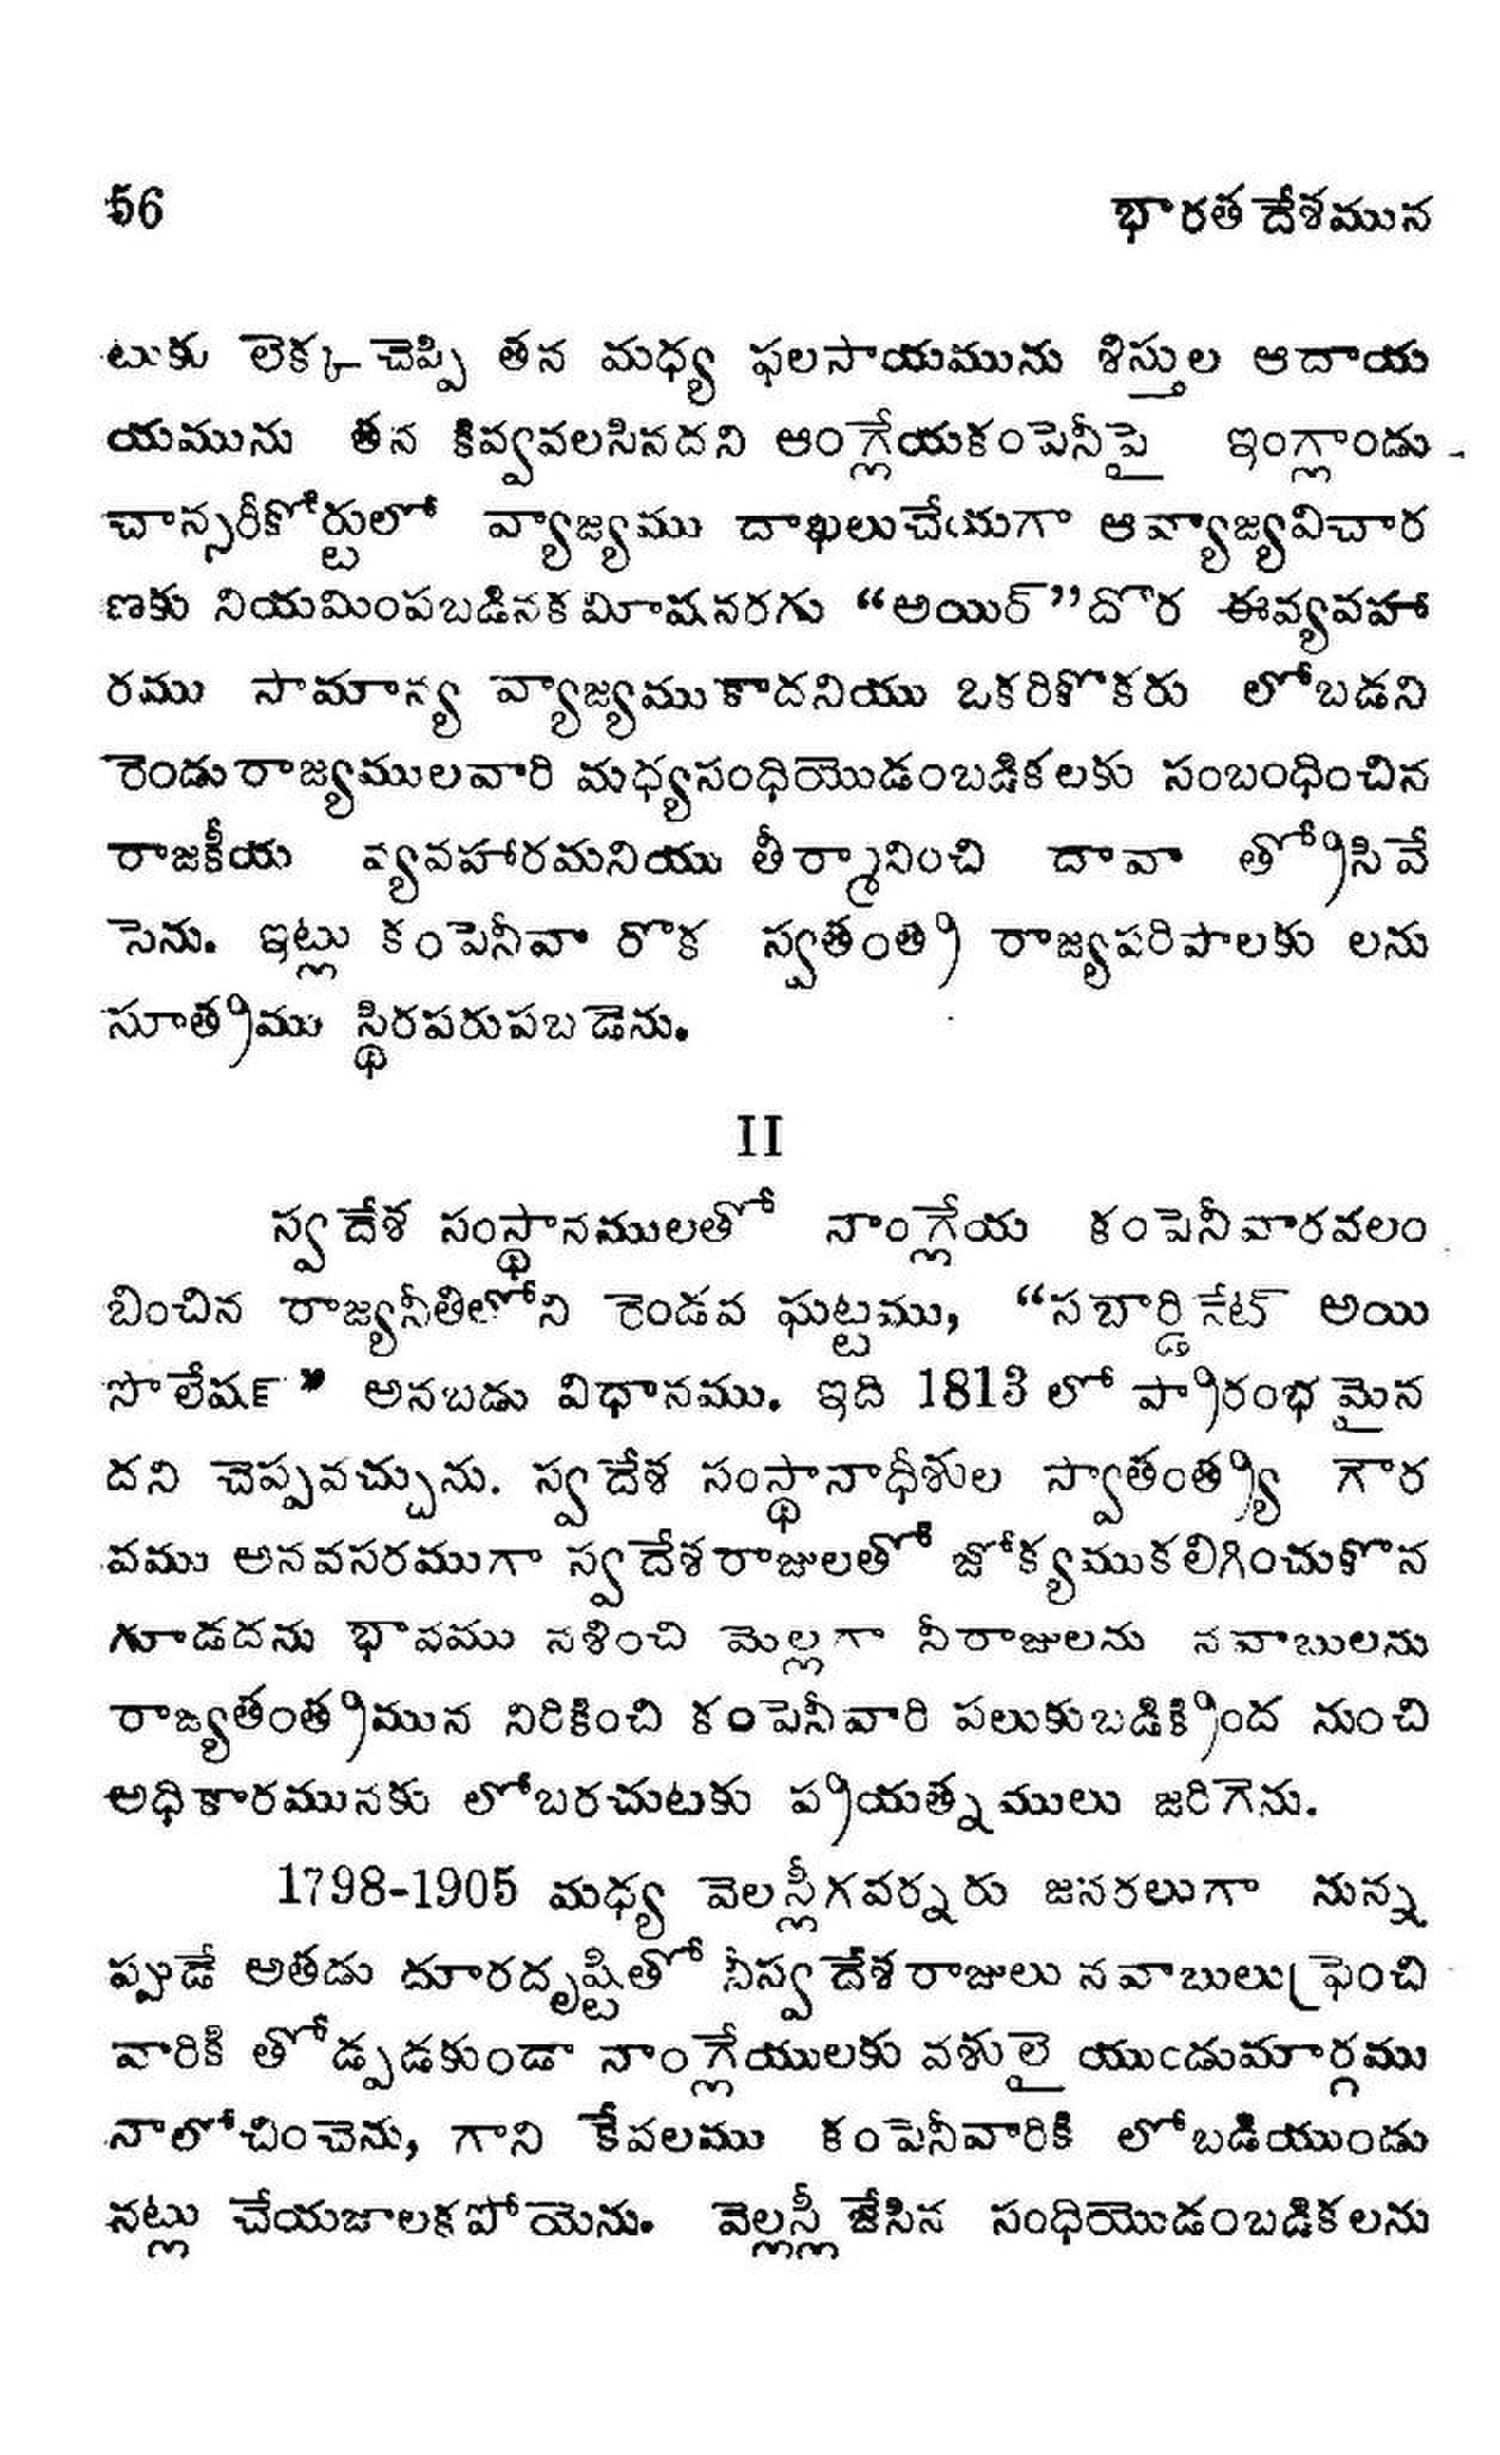టుకు లెక్క చెప్పి తన మధ్య ఫలసాయమును శిస్తుల ఆదాయమును తన కివ్వవలసినదని ఆంగ్లేయకంపెనీపై ఇంగ్లాండు - చాన్సరీకోర్టులో వ్యాజ్యము దాఖలుచేయగా ఆ వ్యాజ్యవిచారణకు నియమింపబడినకమీషనరగు “అయిర్" దొర ఈవ్యవహారము సామాన్య వ్యాజ్యము కాదనియు ఒకరికొకరు లోబడని రెండు రాజ్యములవారి మధ్యసంధి యొడంబడికలకు సంబంధించిన రాజకీయ వ్యవహారమనియు తీర్మానించి దావా త్రోసివేసెను. ఇట్లు కంపెనీవా రొక స్వతంత్ర రాజ్యపరిపాలకులను సూత్రము స్థిరపరుపబడెను.

II

స్వదేశ సంస్థానములతో నాంగ్లేయ కంపెనీవారవలంబించిన రాజ్యనీతిలోని రెండవ ఘట్టము, “సబార్డినేట్ అయిసొలేష౯" అనబడు విధానము. ఇది 1813 లో ప్రారంభమైనదని చెప్పవచ్చును. స్వదేశ సంస్థానాధీశుల స్వాతంత్ర్య గౌరవము అనవసరముగా స్వదేశరాజులతో జోక్యముకలిగించుకొన గూడదను భావము నశించి మెల్లగా నీరాజులను నవాబులను రాజ్యతంత్రమున నిరికించి కంపెనీవారి పలుకుబడిక్రింద నుంచి అధికారమునకు లోబరచుటకు ప్రయత్నములు జరిగెను.

1798-1905 మధ్య వెలస్లీగవర్నరు జనరలుగా నున్నప్పుడే అతడు దూరదృష్టితో నీస్వదేశరాజులు నవాబులు ఫ్రెంచి వారికి తోడ్పడకుండా నాంగ్లేయులకు వశులై యుండుమార్గము నాలోచించెను, గాని కేవలము కంపెనీవారికి లోబడియుండు నట్లు చేయజాలకపోయెను. వెల్లస్లీజేసిన సంధియొడంబడికలను